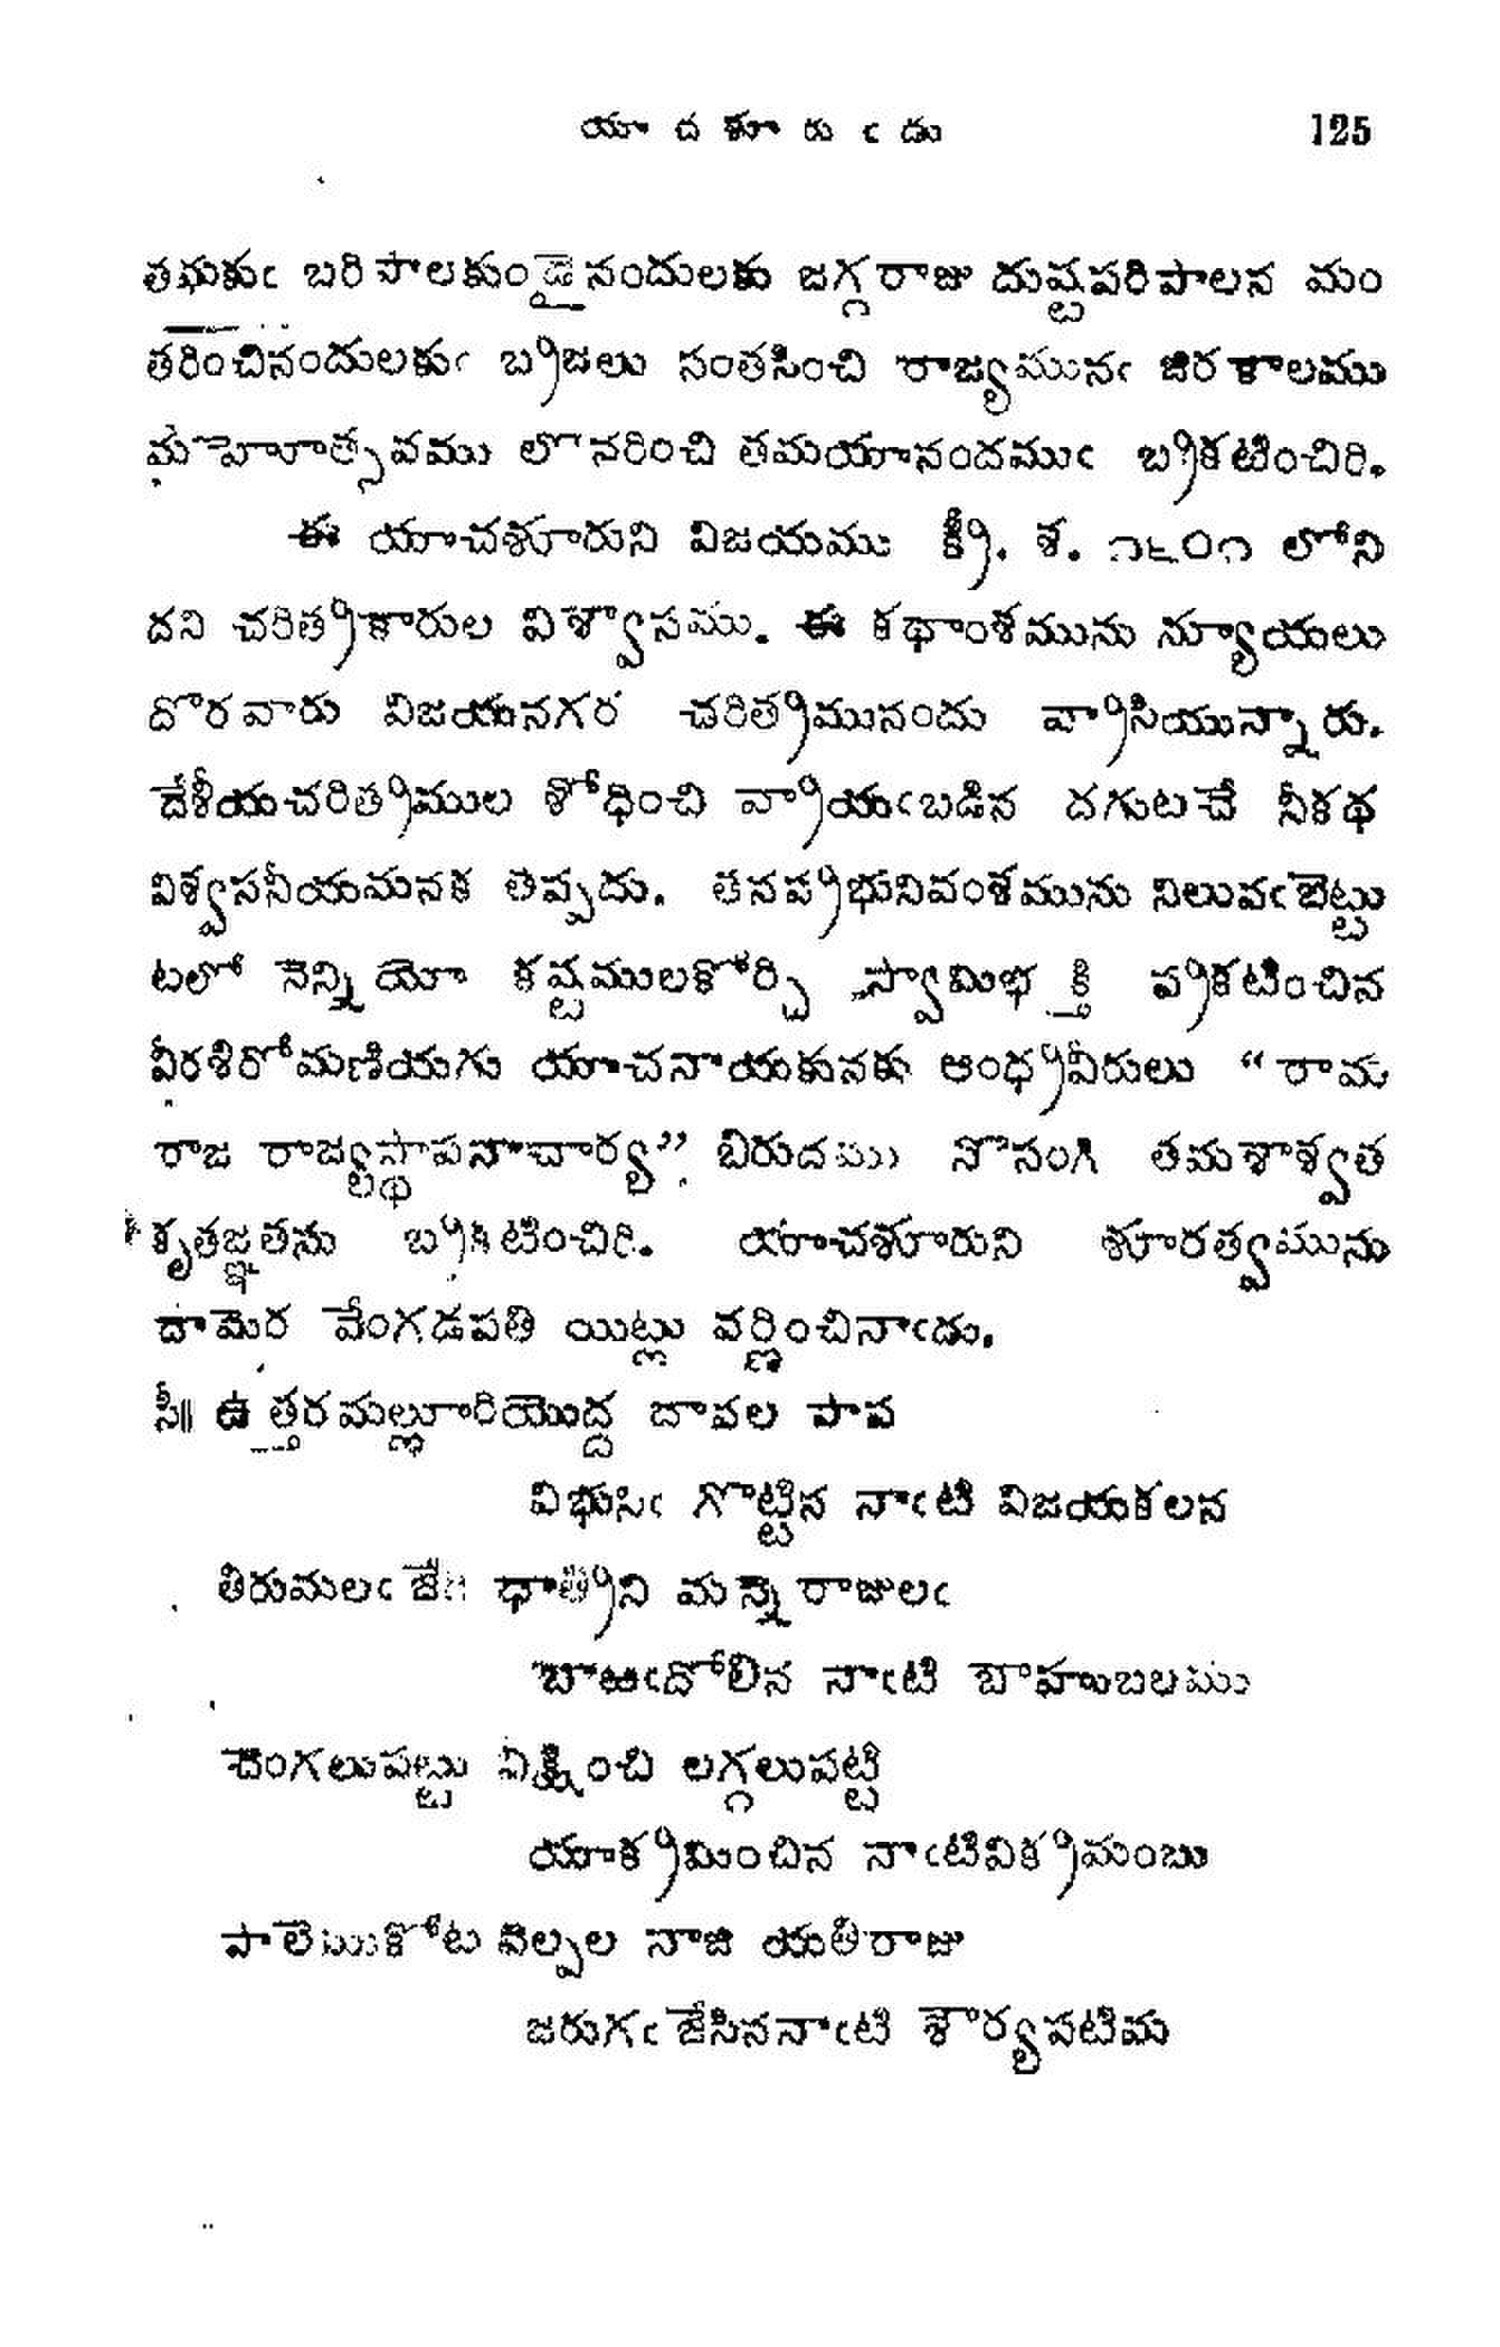తమకు బరిపాలకుండైనందులకు జగ్గరాజు దుష్టపరిపాలన మంతరించినందులకు బ్రజలు సంతసించి రాజ్యమున జిరకాలము మహోత్సవము లొనరించి తమయానందము బ్రకటించిరి.

ఈ యాచశూరుని విజయము క్రీ.స. 1601 లోనిదని చరిత్రకారుల విశ్వాసము. ఈ కథాంశమును న్యూయలు దొరవారు విజయనగర చరిత్రమునందు వ్రాసియున్నారు. దేశీయచరిత్రముల శోధించి వ్రాయబడిన దగుటచే నీకథ విశ్వసనీయమనక తప్పదు. తనప్రభునివంశమును నిలువబెట్టుటలో నెన్నియో కష్టములకోర్చి స్వామిభక్తి ప్రకటించిన వీరశిరోమణియగు యాచనాయకునకు ఆంధ్రవీరులు "రామరాజ రాజ్యస్థాపనాచార్య" బిరుదము నొసంగి తమశాశ్వత కృతజ్ఞతను బ్రకటించిరి. యాచశూరుని శూరత్వమును దామెర వేంగడపతి యిట్లు వర్ణించినాడు.

సీ. ఉత్తరమల్లూరియొద్ద దావల పావ
 విభుసి గొట్టిన నాటి విజయకలన
 తిరుమల జేరి ధాత్రిని మన్నెరాజుల
 బాఱదోలిన నాటి బాహుబలము
 చెంగలుపట్టు వీక్షించి లగ్గలుపట్టి
 యాక్రమించిన నాటివిక్రమంబు
 పాలెముకోట వెల్పల నాజి యతిరాజు
 జరుగ జేసిననాటి శౌర్యపటిమ